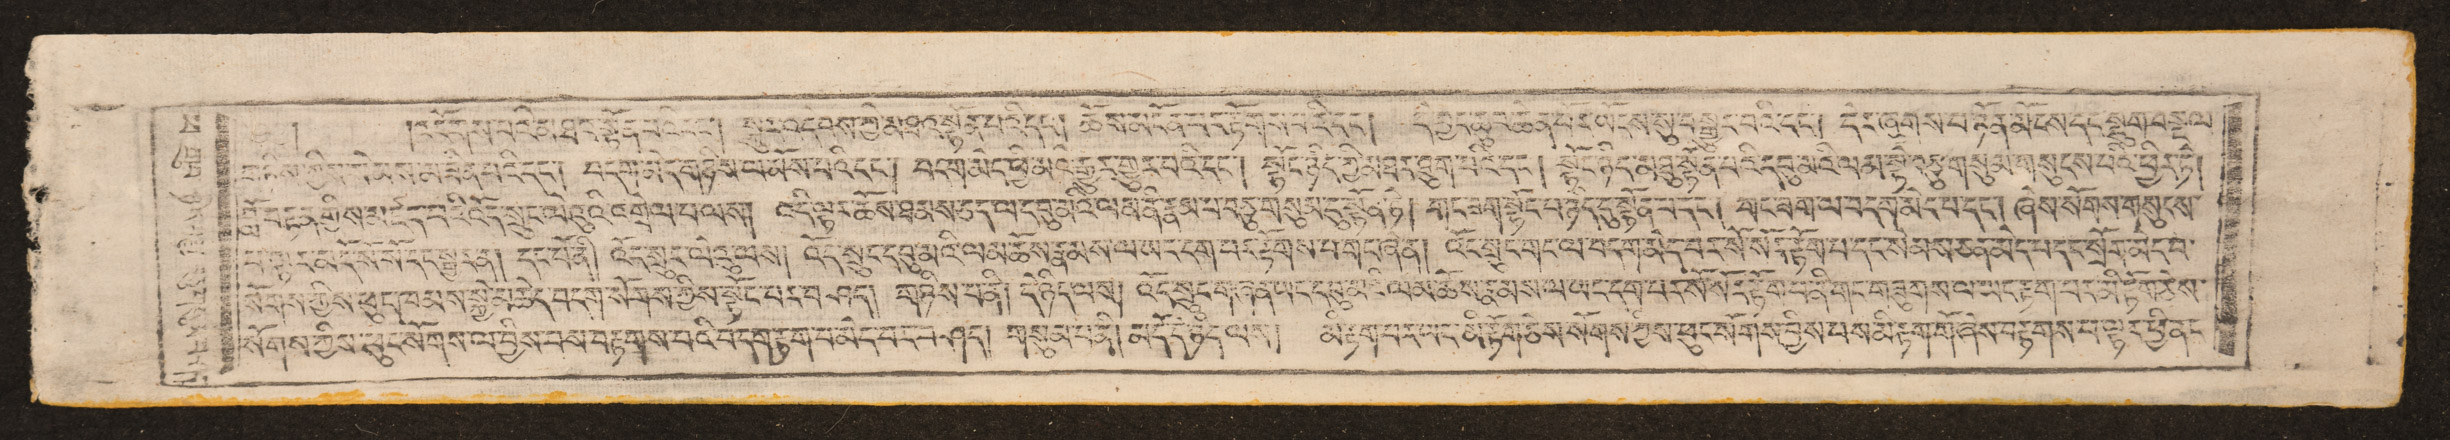༄༅། །འདོགས་པའི་མཐའ་སྟོན་པའི་དང་། སྐུར་འདེབས་ཀྱི་མཐའ་སྟོན་པའི་དང་། ཆོས་མངོན་པར་རྟོགས་པའི་དང་། དེ་བྱང་ཆུབ་ཆེན་པོར་ཡོངས་སུ་བསྒྱུར་བའི་དང་། དེར་ཞུགས་པ་ཉོན་མོངས་དང་སྡུག་བསྔལ་
གཉིས་ཀྱིས་སེམས་མ་ཟིན་པའི་དང་། བདག་མེད་གཉིས་ལ་མོས་པའི་དང་། བདག་མེད་ཕྱི་མའི་རྒྱུར་གྱུར་བའི་དང་། སྟོང་ཉིད་ཀྱི་མཐར་ཐུག་པའི་དང་། སྟོང་ཉིད་མཐུ་སྟོན་པའི་དབུ་མའི་ལམ་སྟེ་བཅུ་གསུམ་གསུངས་པའི་ཕྱིར་ཏེ།
བློ་བརྟན་གྱིས་མཛད་པའི་འོད་སྲུང་ལེའུའི་འགྲེལ་པ་ལས། འདི་ལྟར་ཆོས་ཐམས་ཅད་ལ་དབུ་མའི་ལམ་ནི་རྣམ་པ་བཅུ་གསུམ་དུ་སྟོན་ཏེ། གང་ཟག་སྟོང་པ་ཉིད་དུ་སྟོན་པ་དང་། གང་ཟག་ལ་བདག་མེད་པ་དང་། ཞེས་སོགས་གསུངས་
པ་ལྟར་མདོ་སོ་སོ་དང་སྦྱར་ན། དང་པོ་ནི། འོད་སྲུང་ལེའུ་ལས། འོད་སྲུང་དབུ་མའི་ལམ་ཆོས་རྣམས་ལ་ཡང་དག་པར་རྟོགས་པ་གང་ཞེ་ན། འོང་སྲུང་གང་ལ་བདག་མེད་པར་སོ་སོར་རྟོག་པ་དང་སེམས་ཅན་མེད་པ་དང་སྲོག་མེད་པ་
སོགས་ཀྱིས་ཕུང་ཁམས་སྐྱེ་མཆེད་བདག་སོགས་ཀྱིས་སྟོང་པར་བཤད། གཉིས་པ་ནི། དེ་ཉིད་ལས། འོད་སྲུང་གཞན་ཡང་དབུ་མའི་ལམ་ཆོས་རྣམས་ལ་ཡང་དག་པར་སོ་སོར་རྟོག་པ་ནི་གང་གཟུགས་ལ་ཡང་རྟག་པར་མི་རྟོག་ཅེས་
སོགས་ཀྱིས་ཕུང་སོགས་ལ་བྱིས་པས་བརྟགས་པའི་བདག་རྟག་པ་མེད་པར་བཤད། གསུམ་པ་ནི། མདོ་དེ་ཉིད་ལས། མི་རྟག་པར་ཡང་མི་རྟོག་ཅེས་སོགས་ཀྱིས་ཕུང་སོགས་བྱིས་བས་མི་རྟག་གོ་ཞེས་བརྟགས་པ་ལྟར་ཕྱི་ནང་